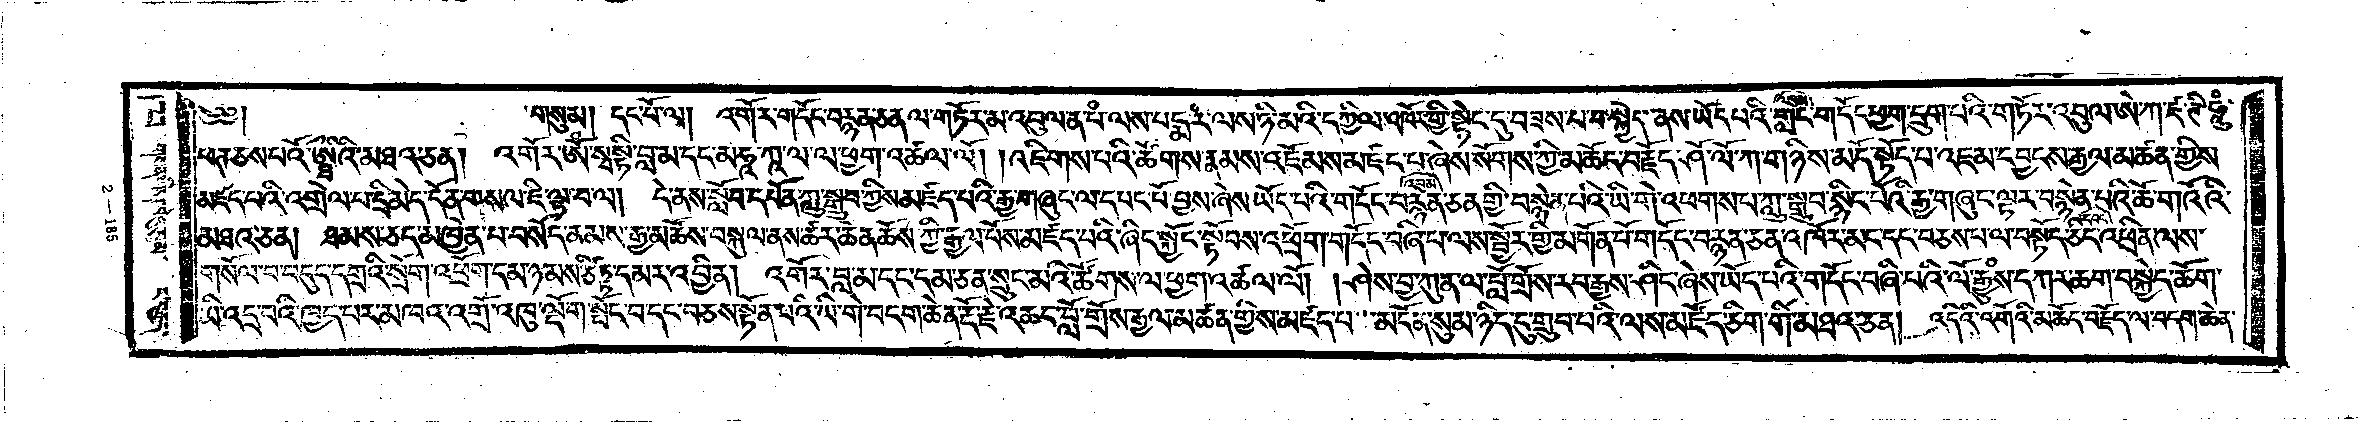༄༅། །གསུམ། དང་པོ་ལ། འགོར་གདོང་བརྙན་ཅན་ལ་གཏོར་མ་འབུལ་ན་པཾ་ལས་པདམ་རཾ་ལས་ཉི་མའི་དཀྱིལ་འཁོར་གྱི་སྟེང་དུ་བཟས་པ་བསྐྱེད་ནས་ཡོད་པའི་ཀླང་གདོང་ཕྱག་དྲུག་པའི་གཏོར་འབུལ་ཨེ་ཀ་ཛ་ཊི་ཧཱུཾ་
ཕཊ་ཅས་པའོ་ཨྀཐིའི་མཐའ་ཅན། འགོར་ཨོཾ་སྭ་སྟི་བླ་མ་དང་མཧཱ་ཀཱ་ལ་ལ་ཕྱག་འཚལ་ལོ། །འཇིགས་པའི་ཚོགས་རྣམས་འཇོམས་མཛད་པ་ཞེས་སོགས་ཀྱི་མཆོད་བརྗོད་ཤོ་ལོ་ཀ་གཉིས་མདོ་སྟོད་པ་འཇམ་དབྱངས་རྒྱལ་མཚན་གྱིས་
མཛད་པའི་འགྲེལ་བ་དྲི་མེད་དོན་གསལ་ཇི་ལྟ་བ་ལ། དེ་ནས་སློབ་དཔོན་ཀླུ་སྒྲུབ་ཀྱིས་མཛད་པའི་རྒྱ་གཞུང་ལ་དབང་པོ་བྱས་ཞེས་ཡོད་པའི་གདོང་བརྙན་ཅན་གྱི་བསྙེན་པའི་ཡི་གེ་འཕགས་པ་ཀླུ་སྒྲུབ་སྙིང་པོའི་རྒྱ་གཞུང་ལྟར་བསྙེན་པའི་ཆོ་གའོའི་
མཐའ་ཅན། ཐམས་ཅད་མཁྱེན་པ་བསོད་ནམས་རྒྱ་མཚོས་བསྐུལ་ནས་ཚར་ཆེན་ཆོས་ཀྱི་རྒྱལ་པོས་མཛད་པའི་ཞིང་སྐྱོང་སྟོབས་འཕྲོག་གདོང་བཞི་པ་ལས་སྦྱོར་གྱི་མགོན་པོ་གདོང་བརྙན་ཅན་འཁོར་མང་དང་བཅས་པ་ལ་བསྟོད་ཅིང་འཕྲིན་ལས་
གསོལ་བ་བདུད་དགྲའི་སྲོག་འཕྲོག་དམ་ཉམས་ཙིཏྟ་དམར་འབྱིན། འགོར་བླ་མ་དང་དམ་ཅན་སྲུང་མའི་ཚོགས་ལ་ཕྱག་འཚལ་ལོ། །ཤེས་བྱ་ཀུན་ལ་བློ་གྲོས་རབ་རྒྱས་ཤིང་ཞེས་ཡོད་པའི་གདོང་བཞི་པའི་ལོ་རྒྱུས་དཀར་ཆག་བསྐྱེད་ཆོག་
ཡི་འདྲ་བའི་ཁྱད་པར་མཁའ་འགྲོ་འཁུ་ལྡོག་སྤོང་བ་དང་བཅས་སྟོན་པའི་ཡི་གེ་བདག་ཆེན་རྡོ་རྗེ་འཆང་བློ་གྲོས་རྒྱལ་མཚན་གྱིས་མཛད་པ་མངོན་སུམ་ཉིད་དུ་གྲུབ་པའི་ལས་མཛོད་ཅིག་གི་མཐའ་ཅན། འདིའི་འགོའི་མཆོད་བརྗོད་ལ་བདག་ཆེན་